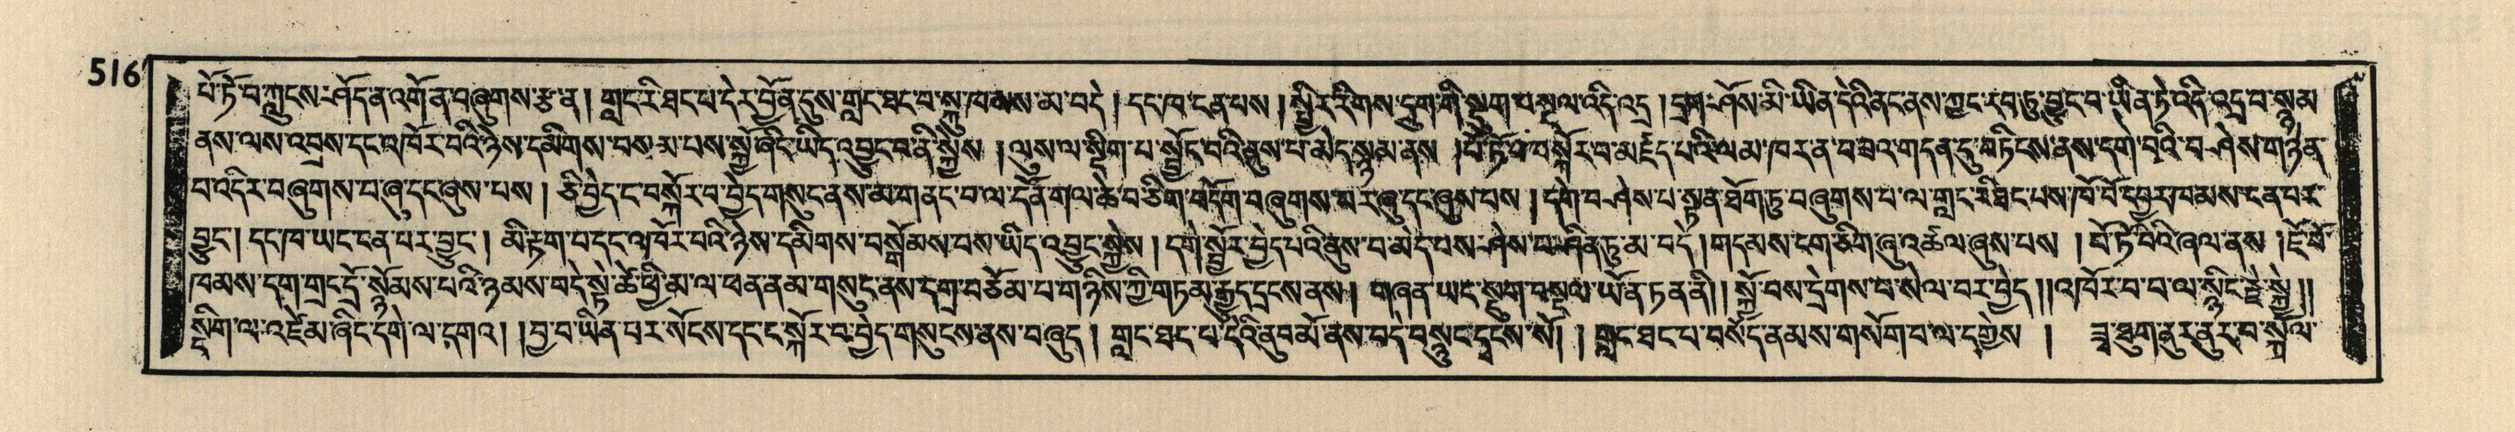པོ་ཏོ་བ་ཀླུངས་ཤོད་ན་འགོན་བཞུགས་རྩ་ན། གླང་རི་ཐང་པ་དེར་བྱོན་དུས་གླང་ཐང་བ་སྐུ་ཁམས་མ་བདེ། དང་ཁ་ངན་པས། སྤྱིར་རིགས་དྲུག་གི་སྡུག་བསྔལ་འདི་འདྲ་།དྲག་ཤོས་མི་ཡིན་དེའི་ནང་ནས་ཀྱང་རབ་ཏུ་བྱུང་བ་ཡིན་ཏེ་འདི་འདྲ་བ་སྙམ་
ནས་ལས་འབྲས་དང་འཁོར་བའི་ཉེས་དམིགས་བསམ་པས་སྐྱོ་ཞིང་ཡིད་འབྱུང་བ་ནི་སྐྱེས་།ལུས་ལ་སྡིག་པ་སྦྱོང་བའི་ནུས་པ་མེད་སྙམ་ནས། པོ་ཏོ་བ་བསྐོར་བ་མཛད་པའི་ལམ་ཁར་ན་བཟའ་གདན་དུ་བཏིངས་ནས་དགེ་བའི་བཤེས་གཉེན་
པ་འདིར་བཞུགས་བ་ཞུ་དང་ཞུས་པས། ཅི་བྱེད་ང་བསྐོར་བ་བྱེད་གསུང་ནས་མ་གནང་བ་ལ་དོན་གལ་ཆེ་བ་ཅིག་བདོག་བཞུགས་པར་ཞུ་དང་ཞུས་པས། དགེ་བཤེས་པ་སྟན་ཐོག་ཏུ་བཞུགས་པ་ལ་གླང་རི་ཐང་པས་ཁོ་བོ་དབྱར་ཁམས་ངན་པར་
བྱུང་། དང་ཁ་ཡང་ངན་པར་བྱུང་། མི་རྟག་པ་དང་འཁོར་བའི་ཉེས་དམིགས་བསྒོམས་པས་ཡིད་འབྱུང་སྐྱེས། དགེ་སྦྱོར་བྱེད་པའི་ནུས་པ་མེད་པས་ཤེས་པ་ཤིན་ཏུ་མ་བདེ། གདམས་ངག་ཅིག་ཞུ་འཚལ་ཞུས་པས་།པོ་ཏོ་བའི་ཞལ་ནས། ཇོ་བོ་
ཁམས་དག་གྲང་དྲོ་སྙོམས་པའི་ཉམས་བདེ་སྟེ་ཚེ་ཕྱི་མ་ལ་ཕན་ནམ་གསུང་ནས་དགྲ་བཅོམ་པ་གཉིས་ཀྱི་གཏམ་རྒྱུད་དྲངས་ནས། གཞན་ཡང་སྡུག་བསྔལ་ཡོན་ཏན་ནི། །སྐྱོ་བས་དྲེགས་བ་སེལ་བར་བྱེད། །འཁོར་བ་པ་ལ་སྙིང་རྗེ་སྐྱེ།།
སྡིག་ལ་འཛེམ་ཞིང་དགེ་ལ་དགའ། །བྱ་བ་ཡིན་པར་སོངས་དང་ང་སྐོར་བ་བྱེད་གསུངས་ནས་བཞུད། གླང་ཐང་པ་དེའི་ནུབ་མོ་ནས་བདེ་བསྙུང་དྭངས་སོ། །གླང་ཐང་པ་བསོད་ནམས་གསོག་པ་ལ་དགྱེས། ཟྭ་ཐུག་ནུར་ནུར་བ་སྐོལ་